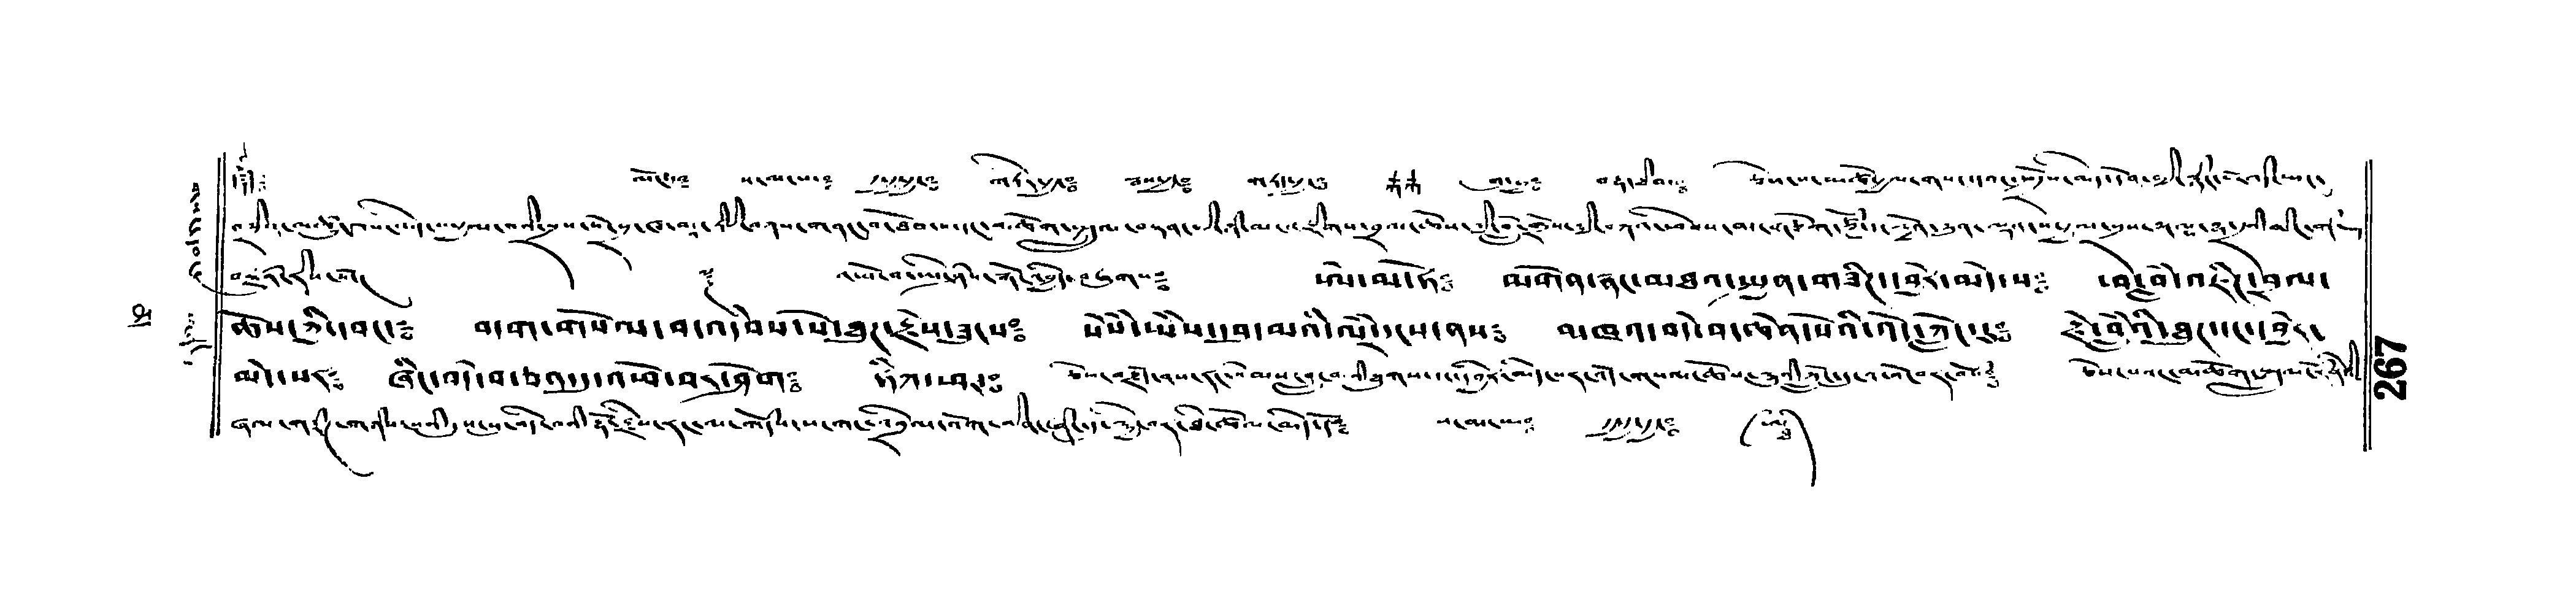ལོངས༔ ས་མ་ཡ༔ རྒྱ་རྒྱ་རྒྱ༔ གཏེར་རྒྱ༔ སྦས་རྒྱ༔ གཏད་རྒྱ༔ གུ་ཧྱ༔ བརྡ་ཐིམ༔ ཅེས་པ་མཚོ་རྒྱལ་གསང་དབང་སྤྲོས་མེད་དོན་གྱི་སྙིང་པོ་འདི་ཡང་
བཀའ་དྲིན་མཚུངས་པ་མེད་པ་རྒྱལ་བའི་སྲས་པོ་པྲ་ཝ་མཱ་ཏིའི་བཀས་གནང་བ་ཐོབ་པ་དང་མཆོག་སྤྲུལ་བསྟན་པའི་ཉི་མ་འཇིགས་བྲལ་ཆོས་ཀྱི་བློ་གྲོས་ཀྱི་བཀའ་ཕེབས་མ་བཅག་ཙམ་དུ་སྐྱོན་ཀུན་ལྡན་པ་རྒྱལ་སྲས་ཀལྤ་བྷ་དྲའི་མིང་གིས་
བརྫུན་རིས་སོ།། ༈ འཕོ་བ་ཡེ་ཤེས་སྒོ་འབྱེད་བཞུགས༔ ཨེ་མ་ཧོཿ མགོན་སྣང་མཐའ་སྤྱན་གཟིགས་དབྱེར་མེད་པ༔ ཕ་བླ་མ་འཇིགས་བྲལ་
ཆོས་ཀྱི་དབང༔ བདག་གསོལ་བ་འདེབས་སོ་ཐུགས་རྗེས་ཟུངས༔ སེམས་ཡེ་ཤེས་དབུ་མའི་ལམ་དྲངས་ནས༔ མཁའ་བདེ་བ་ཆེན་པོའི་འོད་ཀློང་དུ༔ རྗེ་བླ་མའི་ཐུགས་དང་དབྱེར་
མེད་པར༔ ཞིང་བདེ་བ་ཅན་དུ་འཕོ་བར་ཤོག༔ ཧིཀ་ཕཊཿ ཅེས་བརྗོད་ནས་རང་སེམས་བླ་མའི་ཐུགས་དང་དབྱེར་མེད་པར་འོད་གསལ་ཆོས་སྐུའི་ཀློང་དུ་འཕོས་བར་བསམ༔ ཅེས་པའང་མཆོག་སྤྲུལ་རིན་པོ་ཆེའི་
ཞལ་གཟིགས་གཉིས་པའི་དུས་སུ་བདེ་བའི་རྡོ་རྗེས་རང་ལ་གདམས་པ་གང་འབྲེལ་འོག་མིན་ཞིང་དུ་སྐྱེ་བར་ཐེ་ཚོམ་མེད་དོ༔ ས་མ་ཡ༔ རྒྱ་རྒྱ་རྒྱ༔ ༔